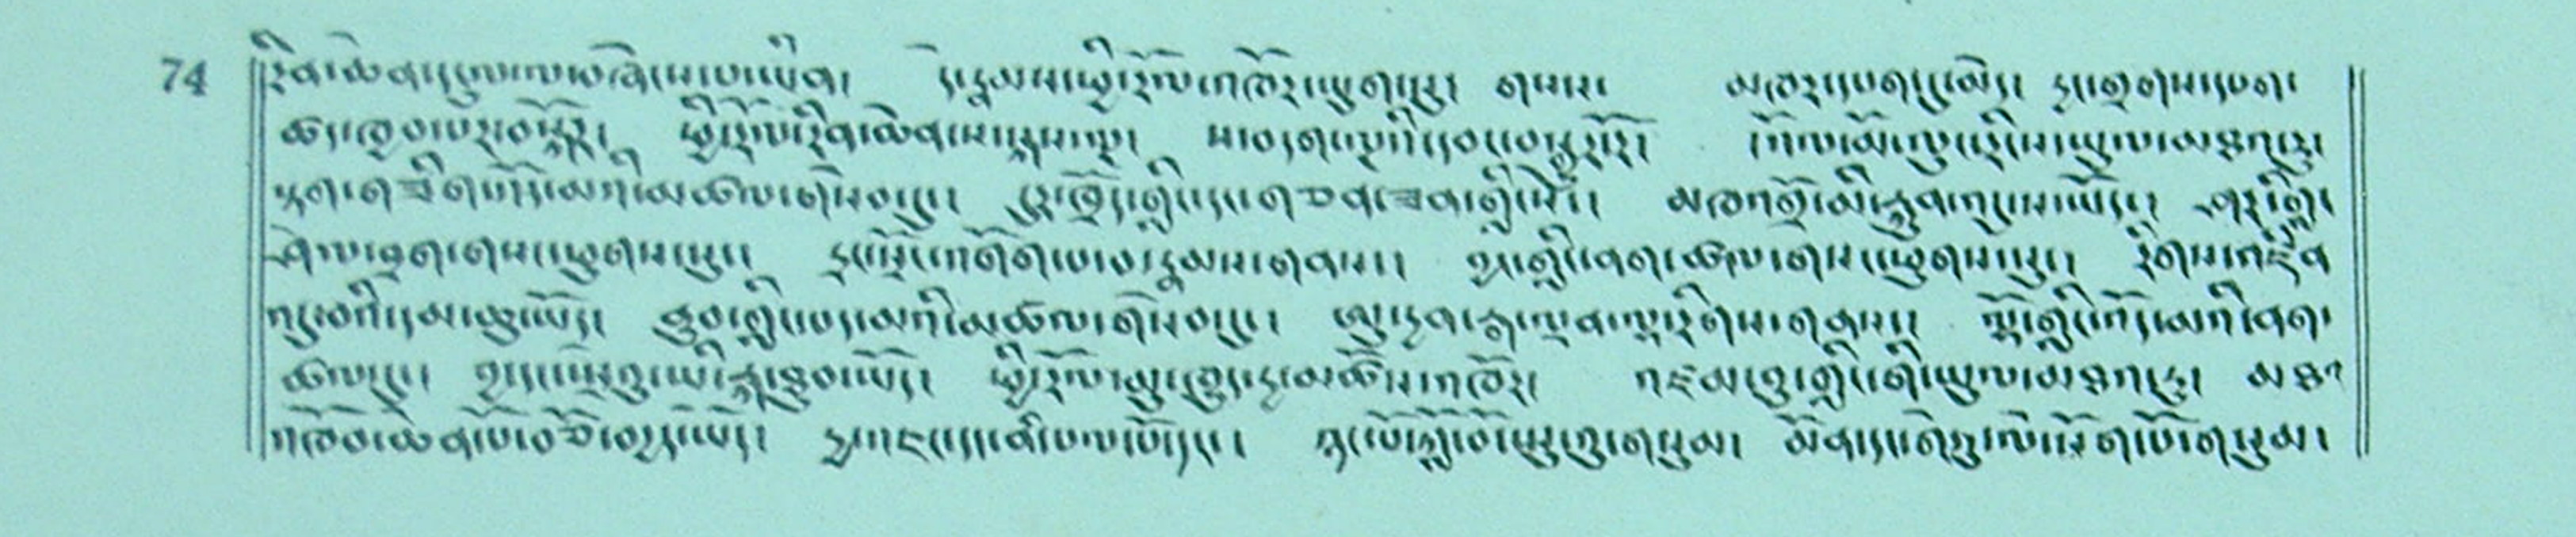རིན་ཆེན་དངུལ་ལ་བཞེངས་པ་ཡིན། དེ་རྣམས་ཕྱི་རོལ་འཁོར་ཡུག་ཏུ། གསས་མཁར་དཔག་ཏུ་མེད། རྒྱང་གྲགས་དཔག་
ཚད་ཁྱབ་པར་བསྐོར། ཕྱི་རོལ་རིན་ཆེན་ས་སྐས་ལྔ། ས་བདག་ལྔ་ཡིས་དབང་བསྒྱུར་རོ། །འོལ་མོ་ལུང་རིང་ཡུལ་མཐའ་རུ། 
སྟག་གཟིག་འོད་མོའི་ཚལ་གསེབ་ཏུ། དུར་ཁྲོད་གླིང་དང་གཅན་ཟན་གླིང་། མཁའ་འགྲོ་མི་རྐུན་འདུ་ས་ཡོད། ཤར་གླིང་
ཤེལ་བྲག་གསང་ཕུགས་སུ། དྲང་སྲོང་འགགས་པ་བ་རྣམས་གནས། བྱང་གླིང་ནགས་ཚལ་གསང་ཕུག་ཏུ། རིགས་འཛིན་
འདུས་པའི་དམ་ཆུ་ཡོད། ནུབ་གླིང་པདྨའི་ཚལ་གསེབ་ཏུ། ཨུ་རྒྱན་རྒ་ལྡན་ལྷ་རིགས་གནས། ལྷོ་གླིང་འོད་མོའི་ནགས་
ཚལ་དུ། བྱ་དང་སྤྲེའུ་ཡི་རྐ་ཐུབ་ཡོད། ཕྱི་རོལ་མུ་ཁྱུད་རྒྱ་མཚོས་བསྐོར། འཛམ་བུའི་གླིང་གི་ཡུལ་མཐའ་རུ། མཐའ་
འཁོབ་ཆེན་པོ་བཅོ་བརྒྱད་ཡོད། རྒྱ་འཇང་དང་ནི་བལ་བོ་དང་། ཉང་པོ་གློ་བོ་སྤུ་འུ་གསུམ། མོན་དང་གེའུ་ལོ་སོག་པོ་གསུམ།